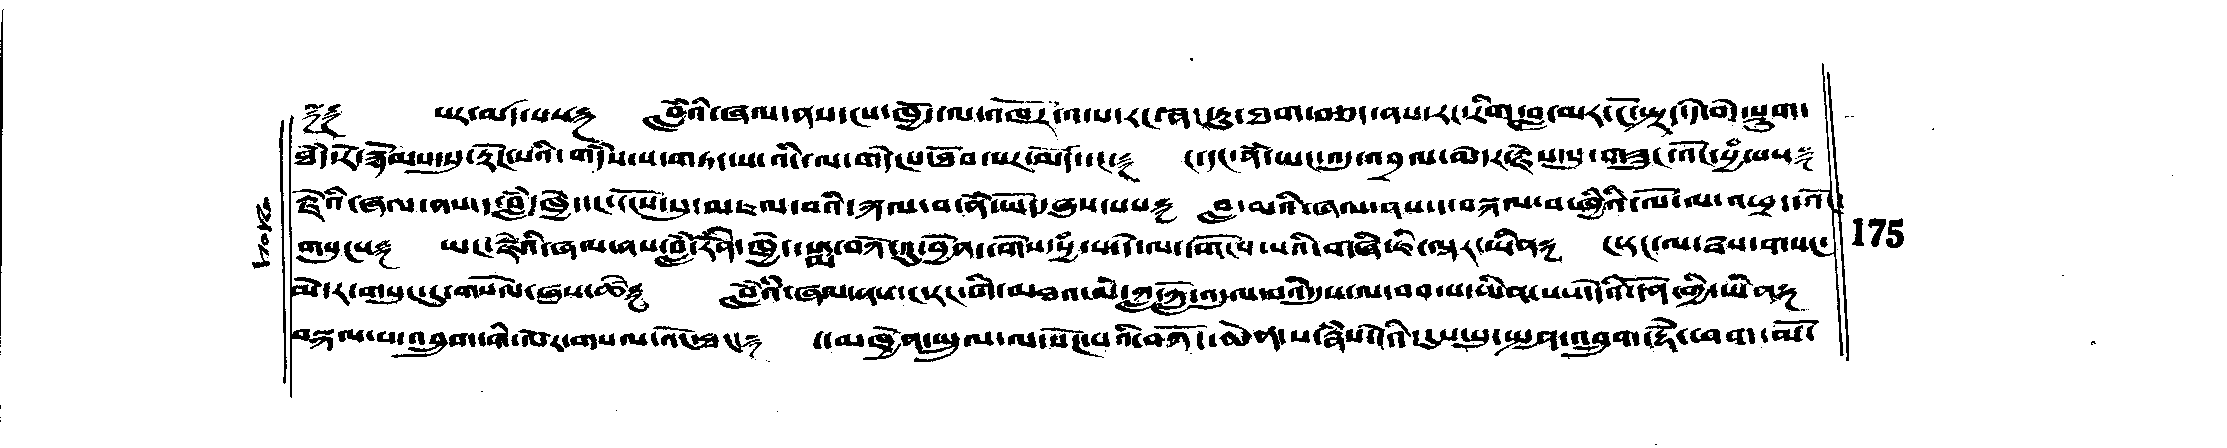པར་མཛད་པས། བླ་མའི་ཞལ་ནས་ངས་ཁྱོད་ལ་འཁོར་འདས་རང་སྣང་དུ་ཐག་བཅད་ནས་རང་རིག་བླ་མར་ངོ་སྤྲད་དེ་བདེ་སྡུག་
ཐམས་ཅད་རོ་སྙོམས་སུ་རྟོགས་པའི་གདམས་པ་གཏད་པ་འདི་ལ་གདེངས་ཐོབ་པར་མཛོད་དང་། ང་དང་ནམ་ཡང་འདུ་འབྲལ་མེད་པར་རྗེས་སུ་གཟུང་འོང་གསུངས་པས། 
རྗེའི་ཞལ་ནས་ད་བླ་མ་ཁྱེད་དང་དངོས་སུ་མཇལ་བའི་སྐལ་བ་ནམ་ཡོད་ཞུས་པས། བླ་མའི་ཞལ་ནས་ད་བསྐལ་པ་ཁྱིའི་ལོ་ལ་འཕྲད་འོང་
གསུངས། ཡང་རྗེའི་ཞལ་ནས་བླ་མ་རིན་པོ་ཆེ་ཁྱེད་པདྨ་བཀོད་དུ་བྱོན་དགོས་གསུང་པ་དེ་ལ་དགོངས་པའི་གཞི་ཇི་ལྟར་ཡིན། ང་རང་ལ་སྦས་གསང་
མེད་པར་གསུང་དུ་གསོལ་ཞུས་ཚེ། བླ་མའི་ཞལ་ནས་ང་རང་གི་མཐའ་མི་ཀླ་ཀློ་འདུལ་བའི་དུས་ལ་བབ་པ་ཡིན་པས་དེའི་དོན་གྱི་ཡིན། 
བསྐལ་པ་འབྲུག་གི་ལོར་གསལ་འོང་ཐང་། ད་མཁྱེན་སྤྲུལ་ལ་སོགས་པའི་བཀོད་ཆེན་པ་རྣམས་དེའི་དུས་སུ་སྤྱན་འབྲུག་རྡོ་རྗེ་ཕག་མོ་